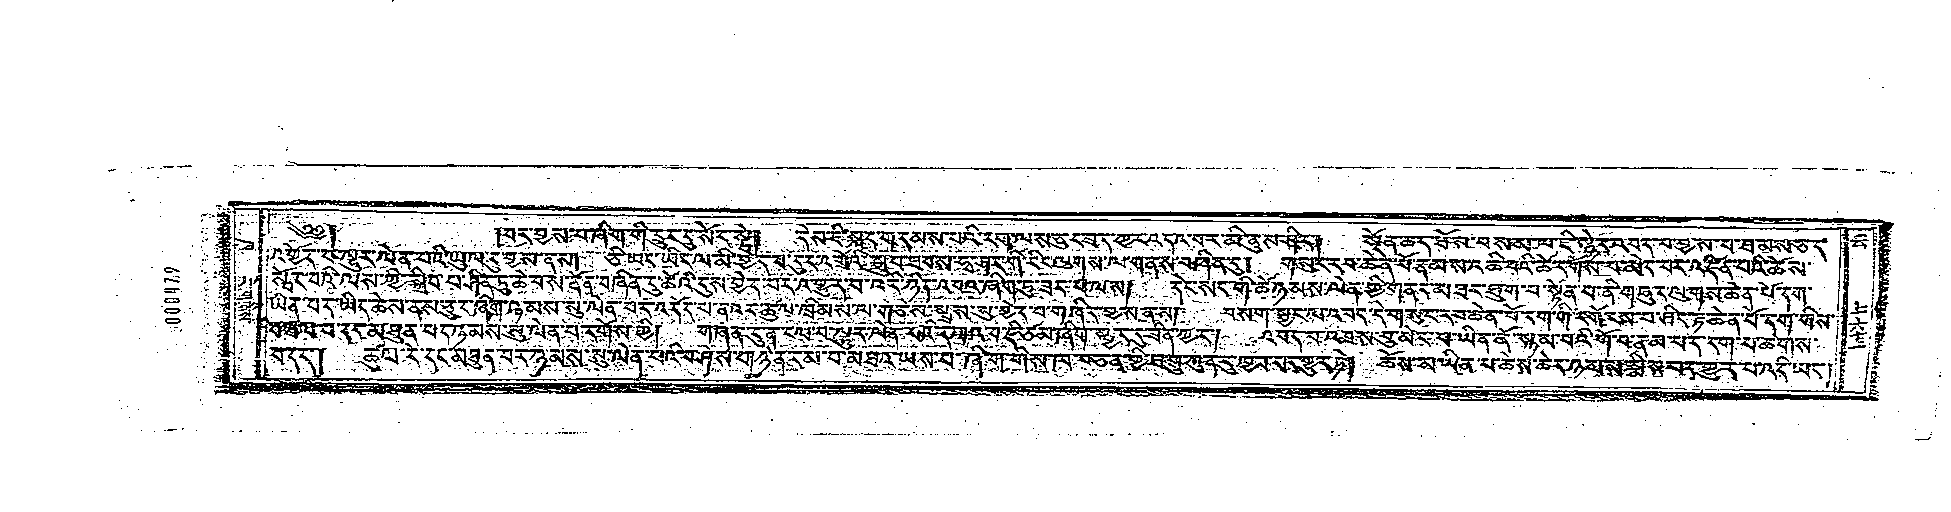༄༅། །བར་བྱས་པ་ཞིག་གི་དྲུང་དུ་སོང་སྟེ། དེས་ཇི་སྐད་གདམས་པའི་ངག་ལས་ཅུང་ཟད་ཀྱང་འདའ་བར་མི་ནུས་ཤིང་། སྔོན་ཆད་ཐོས་བསམ་པ་ཇི་སྙེད་འབར་པ་བྱས་པ་ཐམས་ཅད་
འགྱོད་བ་ལྷུར་ལེན་པའི་ཡུལ་དུ་བྱས་ནས། ཅི་ཡང་ཡིད་ལ་མི་བྱེད་པ་དུང་འགྲོའི་སྒྲུབ་ཐབས་ཧྭ་ཤར་གི་རིང་ལུགས་ལ་གནས་བཞིན་དུ། གསུང་རབ་ཆེན་པོ་རྣམས་འཆི་བའི་ཚེ་དགོས་པ་མེད་པར་འཛིན་པའི་ཆོས་
སྤོང་བའི་ལས་ཀྱི་སྒྲིབ་པ་ཤིན་ཏུ་ཆེ་བས་ནོན་བཞིན་དུ་ཚེའི་དུས་བྱེད་པར་འགྱུར་བ་འདི་ཉིད་འབའ་ཞིག་ཏུ་ཟད་པ་ལས། དེང་སང་གི་ཚེ་ཉམས་ལེན་གྱི་གནང་མཐར་ཐུག་པ་སྟོན་པ་ནི་གཞུང་ལུགས་ཆེན་པོ་དག་
ཡིན་བད་ཡིད་ཆེས་ནས་ཅུང་ཞིག་ཉམས་སུ་ལེན་པར་འདོད་པ་ནའང་ཚུལ་ཁྲིམས་ལ་གཅེས་སྤྲས་སུ་བྱེད་པ་གཞིར་བྱས་ནས། བསག་སྦྱང་ལ་འབད་དེ་གསུང་རབ་ཆེན་པོ་དག་གི་དགོངས་པ་ཤིང་རྟ་ཆེན་པོ་དག་གིས་
བཀྲལ་བ་དང་མཐུན་པར་ཉམས་སུ་ལེན་པ་དགོས་ཀྱི། གཞན་དུ་ན་ངལ་བ་ལྷུར་ལེན་པའི་དཀའ་བ་ཇི་ཙམ་ཞིག་སྤྱད་དུ་ཟིན་ཀྱང་། འབད་པ་འབྲས་བུ་མེད་པ་ཡིན་ནོ་སྙམ་པའི་གོ་བ་རྣམ་པར་དག་པ་ཆགས་
པ་དང་། ཚུལ་དེ་དང་མཐུན་བར་ཉམས་སུ་ལེན་པའི་བཤེས་གཉེན་དམ་པ་མཐའ་ཡས་པ་ཞིག་གིས་ཁ་བ་ཅན་གྱི་ཐ་གྲུ་ཀུན་དུ་ཁྱབ་པར་གྱུར་ཏེ། ཆོས་མ་ཡིན་པ་ཆེས་ཆེར་ཉམས་སྨིས་པར་གྱུར་པ་འདི་ཡང་།